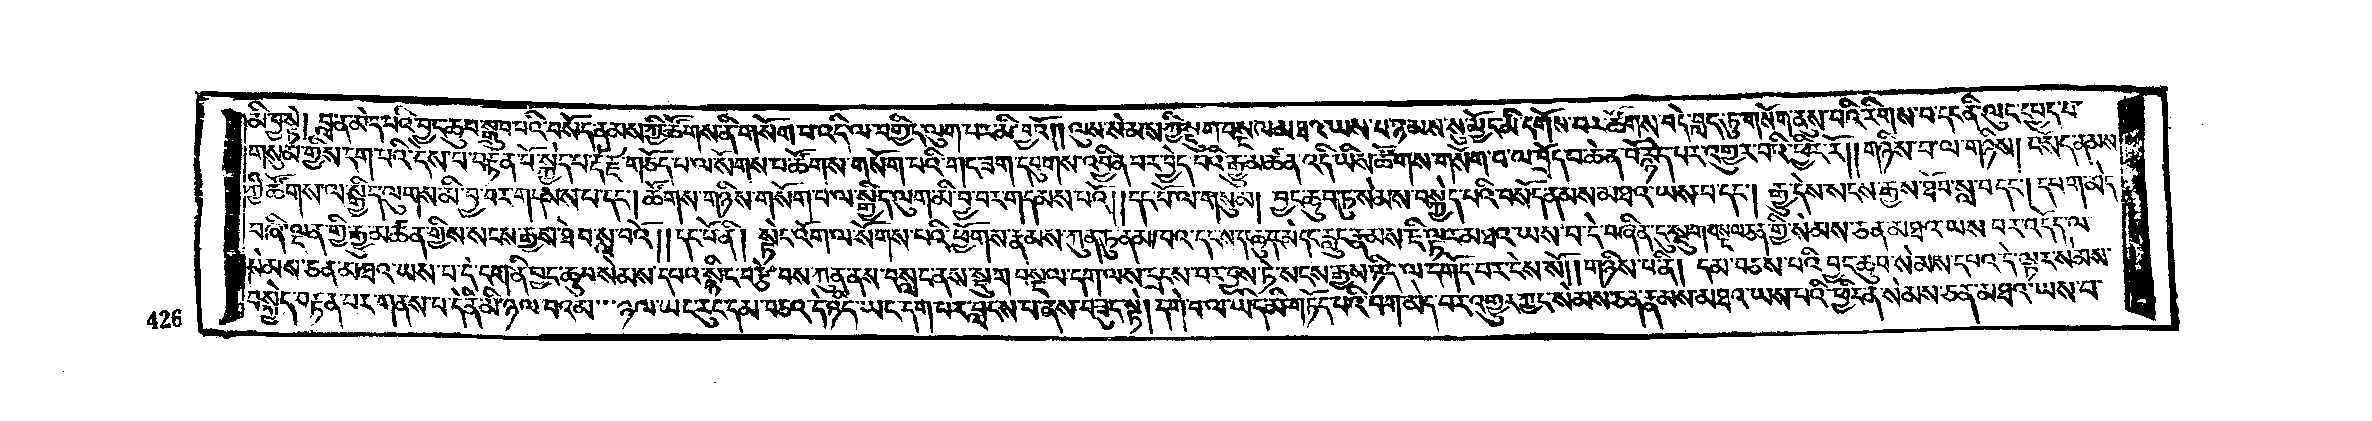མི་བྱ་སྟེ། བླ་ན་མེད་པའི་བྱང་ཆུབ་སྒྲུབ་པའི་བསོད་ནམས་ཀྱི་ཚོགས་ནི་གསོག་པ་འདི་ལ་བགྱིད་ལུག་པར་མི་བྱའོ། །ལུས་སེམས་ཀྱི་སྡུག་བསྔལ་མཐའ་ཡས་པ་ཉམས་སུ་མྱོང་མི་དགོས་པར་ཚོགས་བདེ་བླད་ཏུ་གསོག་ནུས་པའི་རིགས་པ་དང་ནི་ལུང་དཔྱད་པ་
གསུམ་གྱིས་དག་པའི་དེས་པ་བརྟན་པོ་སྐྱེད་པ་རྡོ་རྗེ་གཅོད་པ་ལ་སོགས་པ་ཚོགས་གསོག་པའི་གང་ཟག་དབུགས་འབྱིན་པར་བྱེད་པའི་རྒྱུ་མཚན་འདི་ཡིས་ཚོགས་གསོག་པ་ལ་བྲོད་པ་ཆེན་པོ་རྙེད་པར་འགྱུར་བའི་ཕྱིར་རོ། །གཉིས་པ་ལ་གཉིས། བསོད་ནམས་
ཀྱི་ཚོགས་ལ་སྒྱིད་ལུགས་མི་བྱ་བར་གདམས་པ་དང་། ཚོགས་གཉིས་གསོག་པ་ལ་སྒྱིད་ལུག་མི་བྱ་བར་གདམས་པའོ། །དང་པོ་ལ་གསུམ། བྱང་ཆུབ་ཏུ་སེམས་བསྐྱེད་པའི་བསོད་ནམས་མཐའ་ཡས་པ་དང་། རྒྱུ་དེས་སངས་རྒྱས་ཐོབ་སླ་བ་དང་། དཔག་མེད་
བཞི་ལྡན་གྱི་རྒྱུ་མཚན་གྱིས་སངས་རྒྱས་ཐེབ་སླ་བའོ། །དང་པོ་ནི། སྟེང་འོག་ལ་སོགས་པའི་ཕྱོགས་རྣམས་ཀུན་ཏུ་ནམ་མཁའ་དང་ས་དང་ཆུ་དང་མེ་དང་རླུང་རྣམས་ཇི་ལྟར་མཐའ་ཡས་པ་དེ་བཞིན་དུ་སྡུག་བསྔལ་ཅན་གྱི་སེམས་ཅན་མཐའ་ཡས་པར་འདོད་ལ་
སེམས་ཅན་མཐའ་ཡས་པ་དེ་དག་ནི་བྱང་ཆུབ་སེམས་དཔའ་སྙིང་བརྩེ་བས་ཀུན་ནས་བསླང་ནས་སྡུག་བསྔལ་དག་ལས་དྲངས་པར་བྱས་ཏེ་སངས་རྒྱས་ཉིད་ལ་དགོད་པར་ངེས་སོ། །གཉིས་པ་ནི། དམ་བཅས་པའི་བྱང་ཆུབ་སེམས་དཔའ་དེ་ལྟར་སེམས་
བསྐྱེད་བརྟན་པར་གནས་པ་དེ་ནི་མི་ཉལ་བའམ་ཉལ་ཡང་རུང་དམ་བཅའ་དེ་ཉིད་ཡང་དག་པར་བླངས་པ་ནས་བཟུང་སྟེ། དགེ་བ་ལ་ཡིད་མི་གཏོད་པའི་བག་མེད་པར་འགྱུར་ཀྱང་སེམས་ཅན་རྣམས་མཐའ་ཡས་པའི་ཕྱིར་ན་སེམས་ཅན་མཐའ་ཡས་པ་